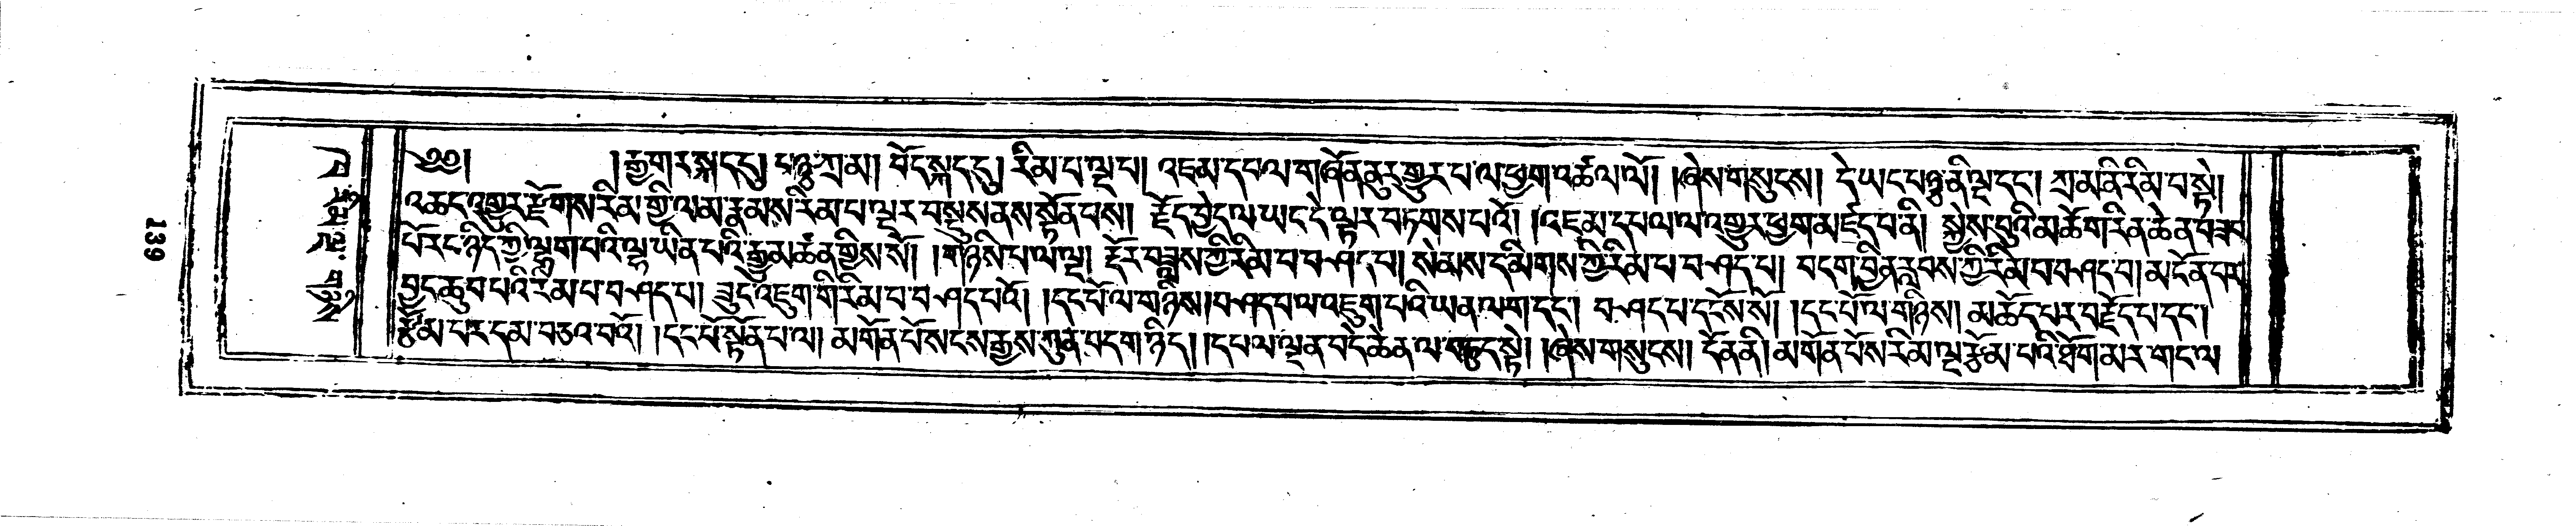༄༅། །རྒྱ་གར་སྐད་དུ། པཉྩ་ཀྲ་མ། བོད་སྐད་དུ། རིམ་པ་ལྔ་པ། འཇམ་དཔལ་གཞོན་ནུར་གྱུར་པ་ལ་ཕྱག་འཚལ་ལོ། །ཞེས་གསུངས། དེ་ཡང་པཉྩ་ནི་ལྔ་དང་། ཀྲ་མ་ནི་རིམ་པ་སྟེ།
འཆང་འགྱུར་རྫོགས་རིམ་གྱི་ལམ་རྣམས་རིམ་པ་ལྔར་བསྡུས་ནས་སྟོན་པས། རྗོད་བྱེད་ལ་ཡང་དེ་ལྟར་བཏགས་པའོ། །འཇམ་དཔལ་ལ་འགྱུར་ཕྱག་མཛད་པ་ནི། སྐྱེས་བུའི་མཆོག་རིན་ཆེན་བཟང་
པོ་རང་ཉིད་ཀྱི་ལྷག་པའི་ལྷ་ཡིན་པའི་རྒྱུ་མཚན་གྱིས་སོ། །གཉིས་པ་ལ་ལྔ། རྡོར་བཟླས་ཀྱི་རིམ་པ་བཤད་པ། སེམས་དམིགས་ཀྱི་རིམ་པ་བཤད་པ། བདག་བྱིན་རླབས་ཀྱི་རིམ་པ་བཤད་པ། མངོན་པར་
བྱང་ཆུབ་པའི་རིམ་པ་བཤད་པ། ཟུང་འཇུག་གི་རིམ་པ་བཤད་པའོ། །དང་པོ་ལ་གཉིས། བཤད་པ་ལ་འཇུག་པའི་ཡན་ལག་དང་། བཤད་པ་དངོས་སོ། །དང་པོ་ལ་གཉིས། མཆོད་པར་བརྗོད་པ་དང་།
རྩོམ་པར་དམ་བཅའ་བའོ། །དང་པོ་སྟོན་པ་ལ། མགོན་པོ་སངས་རྒྱས་ཀུན་བདག་ཉིད། །དཔལ་ལྡན་བདེ་ཆེན་ལ་བཏུད་སྟེ། །ཞེས་གསུངས། དོན་ནི། མགོན་པོས་རིམ་ལྔ་རྩོམ་པའི་ཐོག་མར་གང་ལ་